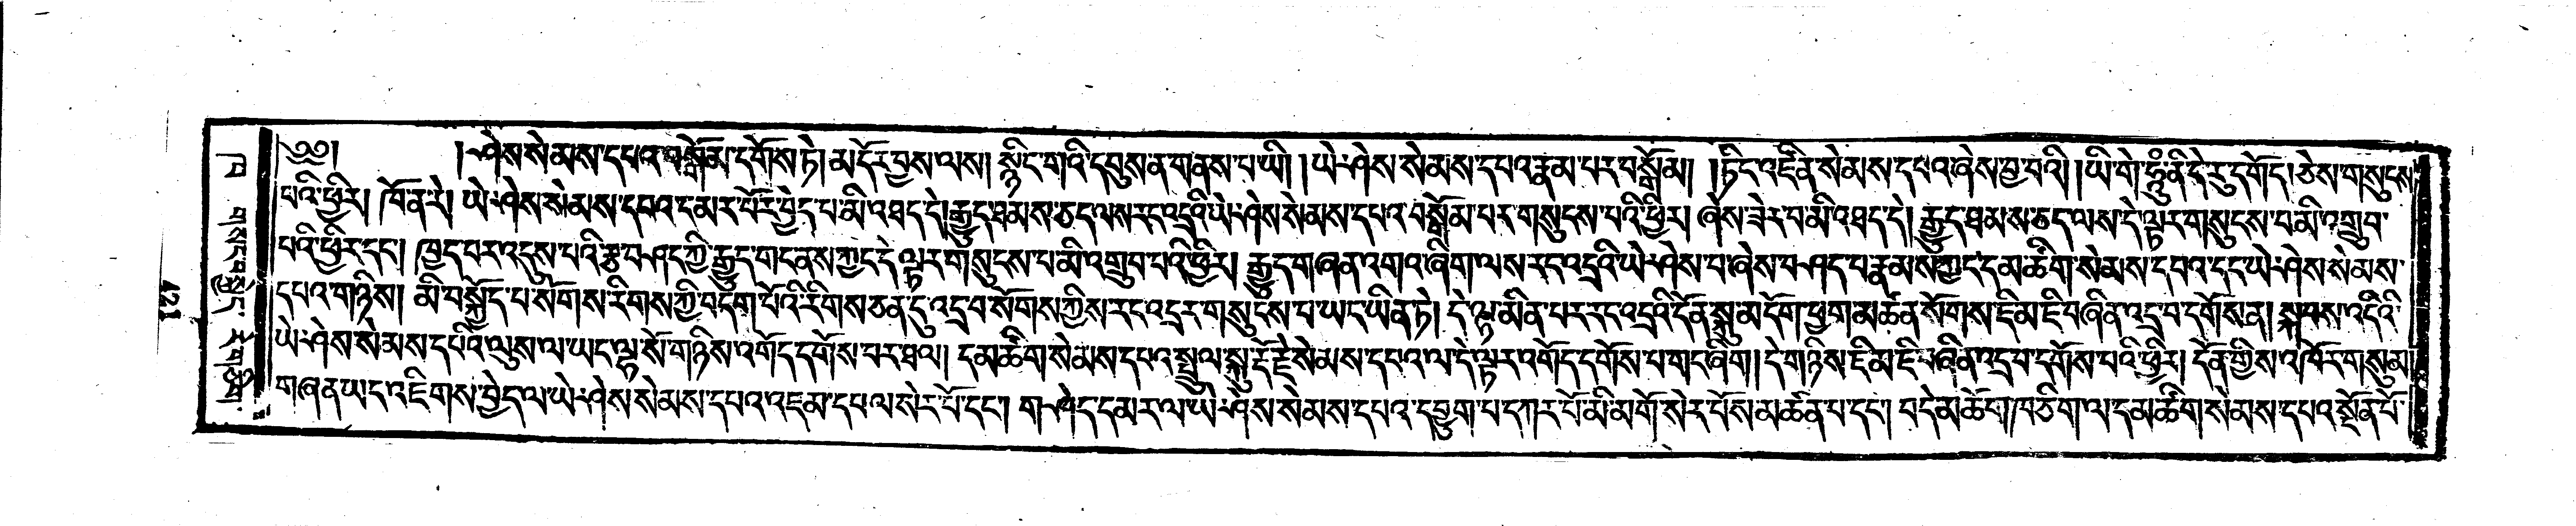༄༅། །ཤེས་སེམས་དཔའ་བསྒོམ་དགོས་ཏེ། མདོར་བྱས་ལས། སྙིང་གའི་དབུས་ན་གནས་པ་ཡི། །ཡེ་ཤེས་སེམས་དཔའ་རྣམ་པར་བསྒོམ། །ཏིང་འཛིན་སེམས་དཔའ་ཞེས་བྱ་བའི། །ཡི་གེ་ཧཱུཾ་ནི་དེ་རུ་དགོད། ཅེས་གསུངས་
པའི་ཕྱིར། ཁོ་ན་རེ། ཡེ་ཤེས་སེམས་དཔའ་དམར་པོར་བྱེད་པ་མི་འཐད་དེ། རྒྱུད་ཐམས་ཅད་ལས་རང་འདྲའི་ཡེ་ཤེས་སེམས་དཔའ་བསྒོམ་པར་གསུངས་པའི་ཕྱིར། ཞེས་ཟེར་བ་མི་འཐད་དེ། རྒྱུད་ཐམས་ཅད་ལས་དེ་ལྟར་གསུངས་པ་མི་འགྲུབ་
པའི་ཕྱིར་དང་། ཁྱད་པར་འདུས་པའི་རྩ་བཤད་ཀྱི་རྒྱུད་གང་ནས་ཀྱང་དེ་ལྟར་གསུངས་པ་མི་འགྲུབ་པའི་ཕྱིར། རྒྱུད་གཞན་འགའ་ཞིག་ལས་རང་འདྲའི་ཡེ་ཤེས་པ་ཞེས་བཤད་པ་རྣམས་ཀྱང་དམ་ཚིག་སེམས་དཔའ་དང་ཡེ་ཤེས་སེམས་
དཔའ་གཉིས། མི་བསྐྱོད་པ་སོགས་རིགས་ཀྱི་བདག་པོའི་རིགས་ཅན་དུ་འདྲ་བ་སོགས་ཀྱིས་རང་འདྲར་གསུངས་པ་ཡང་ཡིན་ཏེ། དེ་ལྟ་མིན་པར་རང་འདྲའི་དོན་སྐུ་མདོག་ཕྱག་མཚན་སོགས་ཇི་མ་ཇི་བཞིན་འདྲ་བ་དགོས་ན། སྐབས་འདིའི་
ཡེ་ཤེས་སེམས་དཔའི་ལུས་ལ་ཡང་ལྷ་སོ་གཉིས་འགོད་དགོས་པར་ཐལ། དམ་ཚིག་སེམས་དཔའ་སྤྲུལ་སྐུ་རྡོ་རྗེ་སེམས་དཔའ་ལ་དེ་ལྟར་འགོད་དགོས་པ་གང་ཞིག །དེ་གཉིས་ཇི་མ་ཇི་བཞིན་འདྲ་བ་དགོས་པའི་ཕྱིར། དོན་གྱིས་འཁོར་གསུམ་
གཞན་ཡང་འཇིགས་བྱེད་ལ་ཡེ་ཤེས་སེམས་དཔའ་འཇམ་དཔལ་སེར་པོ་དང་། གཤེད་དམར་ལ་ཡེ་ཤེས་སེམས་དཔའ་དབྱུག་པ་དཀར་པོ་མི་མགོ་སེར་པོས་མཚན་པ་དང་། བདེ་མཆོག་ཁ་ཅིག་ལ་དམ་ཚིག་སེམས་དཔའ་སྔོན་པོ་